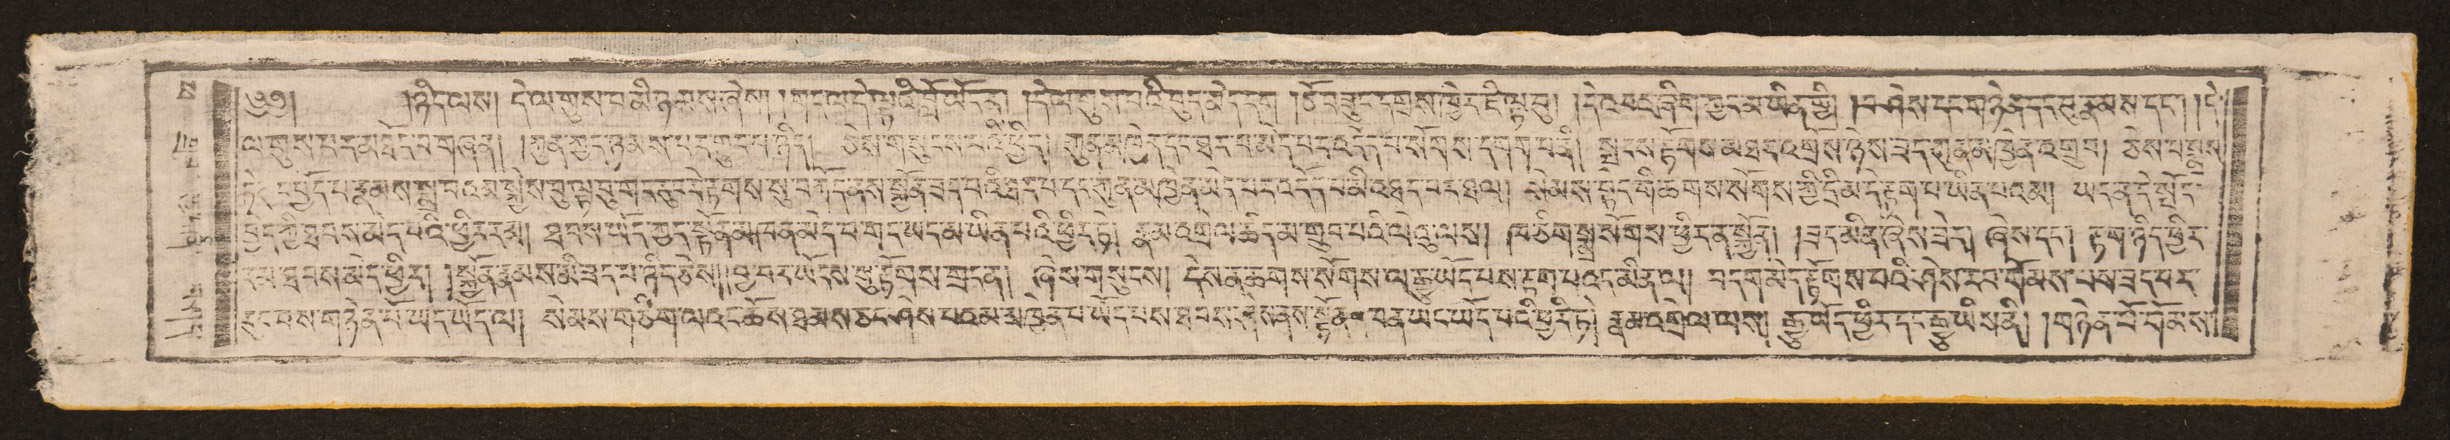༄༅། །ཉིད་ལས། དེ་ལ་གུས་པ་མི་ཉམས་ཞེས། །གང་ལ་དེ་ལྟའི་བློ་ཡེད་ན། །དེ་ལ་གུས་པའི་བུད་མེད་དག །ཅོ་བཟུང་དགྲས་ཁྱེར་ཇི་ལྟ་བུ། །དེ་འབའ་ཞིག་ཀྱང་མ་ཡིན་གྱི། །བཤེས་དང་གཉེན་དང་བུ་རྣམས་དང་། །དེ་
ལ་གུས་པར་མཐོང་བ་གཞན། །ཀུན་ཀྱང་ཉམས་པར་གྱུར་པ་ཉིད། ཅེས་གསུངས་པའི་ཕྱིར། ཀུན་མཁྱེན་དང་ཐར་བ་མེད་པར་འདོད་པ་སོགས་དགག་པ་ནི། སྤངས་རྟོགས་མཐར་འགྲོས་ཉེས་ཟད་ཀུན་མཁྱེན་འགྲུབ། ཅེས་པ་སྨྲས་
ཏེ། དཔྱོད་པ་རྣམས་སྨྲ་བའམ་སྐྱེས་བུ་ལྟ་བུ་གང་རུང་དེ་རྟགས་སུ་བཀོད་ནས་སྐྱོན་ཟད་པའི་ཐར་བ་དང་ཀུན་མཁྱེན་མེད་པར་འདོད་པ་མི་འཐད་པར་ཐལ། སེམས་སྟེང་གི་ཆགས་སོགས་ཀྱི་དྲི་མ་དེ་རྟག་པ་ཡིན་པའམ། ཡང་ན་དེ་སྤོང་
བྱེད་ཀྱི་ཐབས་མེད་པའི་ཕྱིར་རམ། ཐབས་ཡོད་ཀྱང་སྟོན་མཁན་མེད་པ་གང་ཡང་མ་ཡིན་པའི་ཕྱིར་ཏེ། རྣམ་འགྲེལ་ཚད་མ་གྲུབ་པའི་ལེའུ་ལས། ཁ་ཅིག་སྨྲ་སོགས་ཕྱིར་ན་སྐྱོན། །ཟད་མིན་ཞེས་ཟེར། ཞེས་དང་། རྟག་ཉིད་ཕྱིར་
རམ་ཐབས་མེད་ཕྱིར། །སྐྱོན་རྣམས་མི་ཟད་བ་ཉིད་ཅེས། །བྱ་བར་ཡོངས་སུ་རྟོགས་གྲང་ན། ཞེས་གསུངས། དེས་ན་ཆགས་སོགས་ལ་རྒྱུ་ཡོད་པས་རྟག་པའང་མིན་ལ། བདག་མེད་རྟོགས་པའི་ཤེས་རབ་གོམས་པས་ཟད་པར་
རུང་བས་གཉེན་པོ་ཡང་ཡོད་ལ། སེམས་གཅིག་ལའང་ཆོས་ཐམས་ཅད་ཤེས་ལའམ་མཁྱེན་པ་ཡོད་པས་ཐབས་ཤེས་ནས་སྟོན་མཁན་ཡང་ཡོད་པའི་ཕྱིར་ཏེ། རྣམ་འགྲེལ་ལས། རྒྱུ་ཡོད་ཕྱིར་དང་རྒྱུ་ཡིས་ནི། །གཉེན་པོ་གོམས་